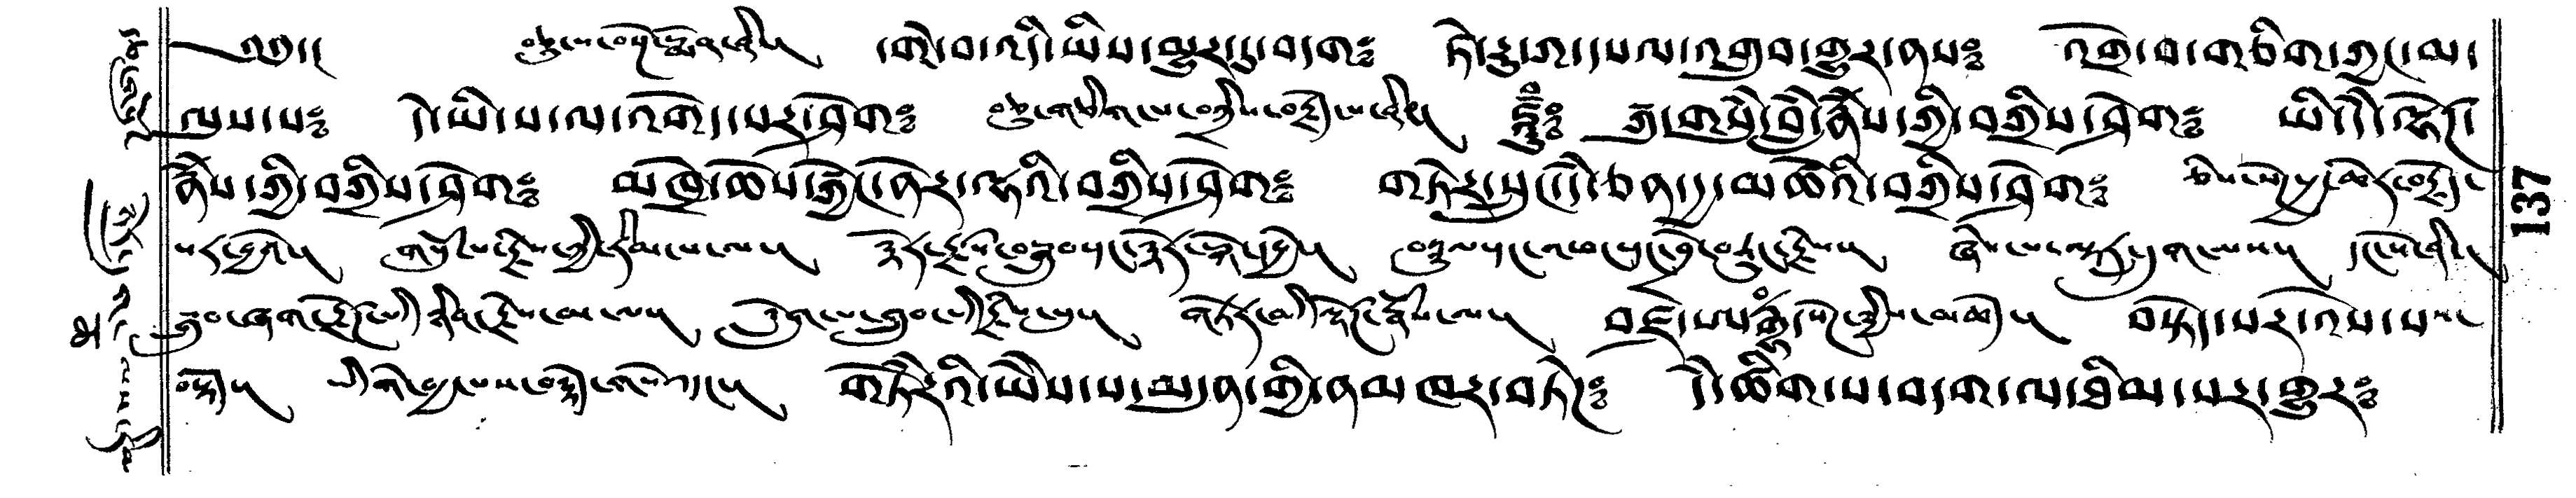བཅུ་པ་བསྔོ་སྨོན་ནི། དགེ་བ་འདི་ཡིས་མྱུར་དུ་བདག །ཧེ་རུ་ཀ་དཔལ་འགྲུབ་གྱུར་ནས། །འགྲོ་བ་གཅིག་ཀྱང་མ་
ལུས་པ། །དེ་ཡི་ས་ལ་འགོད་པར་ཤོག བཅུ་གཅིག་པ་བཀྲ་ཤིས་བརྗོད་པ་ནི། ཧཱུྃ༔ སྐུ་གསུམ་བླ་མ་རྣམས་ཀྱི་བཀྲ་ཤིས་ཤོག༔ ཡི་དམ་ལྷ་ཚོགས་
རྣམས་ཀྱི་བཀྲ་ཤིས་ཤོག༔ མཁའ་འགྲོ་ཆོས་སྐྱོང་ནོར་ལྷའི་བཀྲ་ཤིས་ཤོག༔ གཏེར་སྲུང་དམ་ཅན་རྒྱ་མཚོའི་བཀྲ་ཤིས་ཤོག༔ ཅེས་སོགས་རྒྱ་ཆེར་བརྗོད་
པར་བྱའོ། གསུམ་པ་རྗེས་ཀྱི་རིམ་པ་ལ། ཟོར་རྫས་བསྒྲུབ་དང་ཟོར་སྒོ་དབྱེ། །བསྐུལ་དང་འཕང་དང་བྲོ་བརྡུང་རྗེས། ཞེས་པ་ལྟར་དྲུག་ལས། དང་པོ་ནི། 
སྒྲུབ་ཞག་རྫོགས་པའི་ཉིན་རྗེས་མ་ལ། ཟློག་པ་གྲུབ་པའི་རྗེས་སུ། གཏོར་མའི་ལྷ་ཚོགས་རྣམས་ལ། བཛྲ་ཨརྒྷཾ་སོགས་ཀྱིས་མཆོད། བསྟོད་པར་འོས་པ ས་
བསྟོད། ཡི་གེ་བརྒྱ་པས་བཟོད་གསོལ་དང་། གཏོར་མའི་ཡེ་ཤེས་པ་མདུན་གྱི་ནམ་མཁར་བཏེགས། དམ་ཚིག་པ་བདག་ལ་ཐིམ་པར་གྱུར།